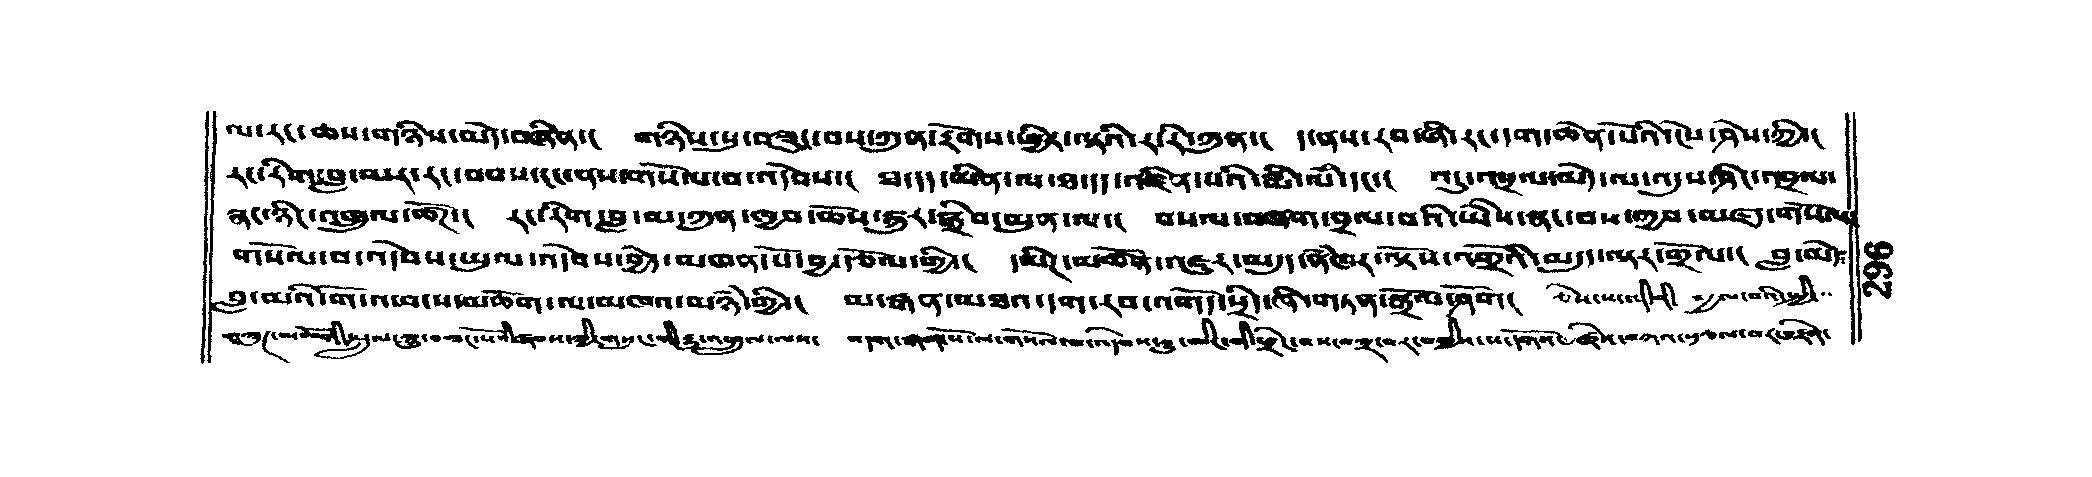ལ་རང་ཆས་གཉིས་མེད་བཞིན། །གཉིས་སུ་བཟུང་བས་ཀུན་རྟོག་ཕྱིར་ལྟའི་ར་རི་ཀུན། །ད་ནས་རང་ཞི་རང་དག་ཆེན་པོའི་ངེས་ཤེས་ཀྱི། །
རང་རིག་བླ་མར་རང་བབས་ངང་ནས་གསོལ་བ་འདེབས། །ཐ་དད་མིན་ལ་ཐ་དད་འཛིན་པའི་རྨི་ལམ་དང་། །འདུ་འབྲལ་མེད་ལ་འདུས་ཤིང་འབྲལ་
སྣང་ཉིང་འཁྲུལ་ཚོགས། །རང་རིག་བླ་མ་ཀུན་ཁྱབ་ཆོས་སྐུར་སྒྲིབ་མུན་ལ། །བསལ་བཞག་བྲལ་བའི་ཡེ་ཤེས་སྣང་བས་ཁྱབ་མཛད་གསོལ། །
གསོལ་བ་འདེབས་ཡུལ་འདེབས་བྱེད་མཁན་པོ་བྱ་རྩོལ་གྱི། །དམིགས་མཚོན་འཇུར་མདུད་ནམ་མཁར་ལྟོ་འགྲོའི་མདུད་ལྟར་གྲོལ། །བླ་མེད་
བླ་མའི་གོ་འཕང་མཆོག་ལ་མཁའ་མཉམ་གྱི། །མ་རྒན་མཐའ་དག་རབ་འགོད་སྲིད་ཞི་གཏན་སྒྲོལ་ཤོག ཅེས་པ་འདི་ནི་༧རྒྱལ་བའི་སྤྱི་
གཟུགས་མཆོག་གི་སྤྲུལ་སྐུ་བཟང་པོའི་ཞབས་ཀྱི་གསུང་གི་སྒྱུ་འཕྲུལ་ལས། བདག་རྒན་པོ་ལ་གསོལ་བ་འདེབས་རྒྱུ་མིང་གི་ཕྲེང་བས་བཀྲ་བར་བགྱིས་པ་ཞིག་དགོས་ཞེས་བཀའ་སྩལ་བར་བརྟེན།